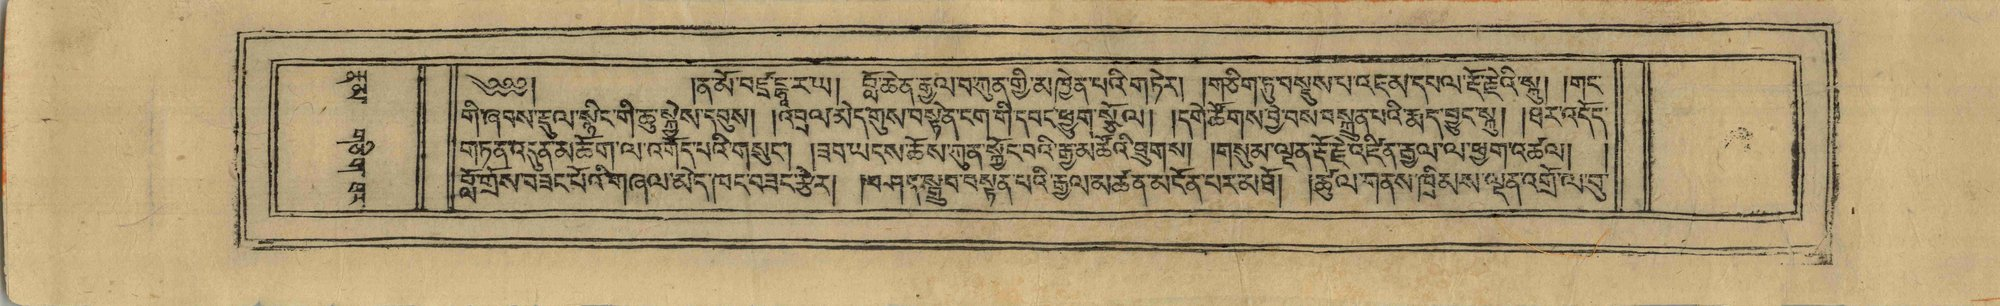༄༅༅། །ན་མོ་བཛྲ་དྷཱ་ར་ཡ། བློ་ཆེན་རྒྱལ་བ་ཀུན་གྱི་མཁྱེན་པའི་གཏེར། །གཅིག་ཏུ་བསྡུས་པ་འཇམ་དཔལ་རྡོ་རྗེའི་སྐུ། །གང་
གི་ཞབས་རྡུལ་སྙིང་གི་ཆུ་སྐྱེས་དབུས། །འབྲལ་མེད་གུས་བསྟེན་ངག་གི་དབང་ཕྱུག་སྩོལ། །དགེ་ཚོགས་བྱེ་བས་བསྐྲུན་པའི་རྨད་བྱུང་སྐུ། །ཐར་འདོད་
གཏན་འདུན་མཆོག་ལ་འགོད་པའི་གསུང་། །ཟབ་ཡངས་ཆོས་ཀུན་སྐྱོང་བའི་རྒྱ་མཚོའི་ཐུགས། །གསུམ་ལྡན་རྡོ་རྗེ་འཛིན་རྒྱལ་ལ་ཕྱག་འཚལ། །
བློ་གྲོས་བཟང་པོའི་གཞལ་མེད་ཁང་བཟང་རྩེར། །བཤད་སྒྲུབ་བསྟན་པའི་རྒྱལ་མཚན་མངོན་པར་མཐོ། །ཚུལ་གནས་ཁྲིམས་ལྡན་འགྲོ་ལ་བུ་